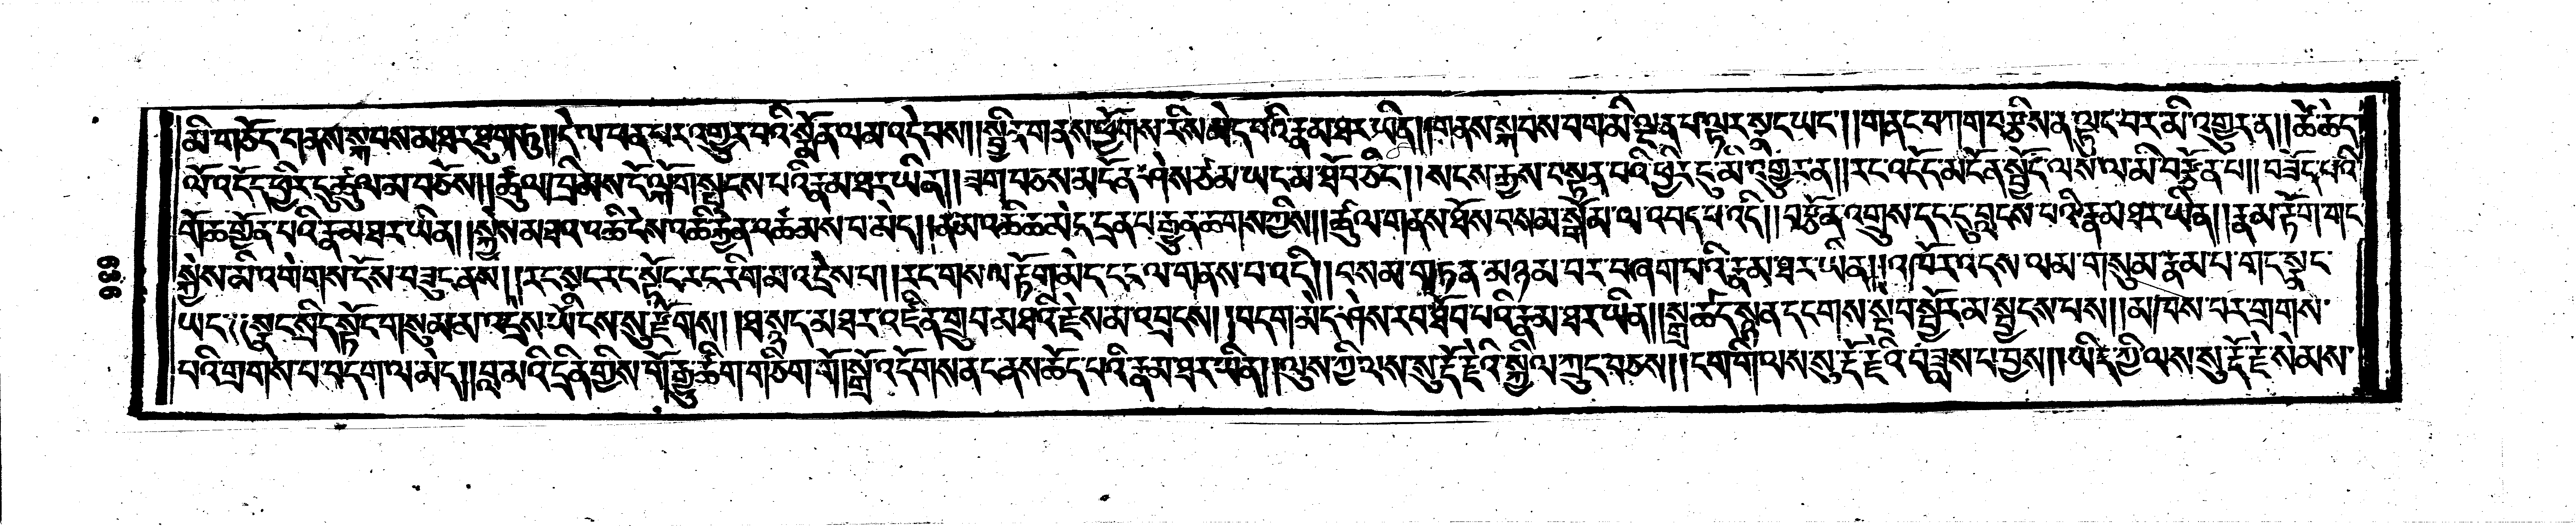མི་གཅོད་གནས་སྐབས་མཐར་ཐུག་ཏུ། །དེ་ལ་ཕན་པར་འགྱུར་བའི་སྨོན་ལམ་འདེབས། །སྦྱིན་གནས་ཕྱོགས་རིས་མེད་པའི་རྣམ་ཐར་ཡིན། །གནས་སྐབས་བག་མི་ལྡན་པ་ལྟར་སྣང་ཡང་། །གནང་བཀག་བརྩིས་ན་ལྟུང་བར་མི་འགྱུར་ན། །ཆེ་ཆེད་
ལོ་འདོད་ཕྱིར་དུ་ཚུལ་མ་བཅོས། །ཚུལ་ཁྲིམས་ངོ་ལྐོག་སྤངས་པའི་རྣམ་ཐར་ཡིན། །ཟག་བཅས་མངོན་ཤེས་ཙམ་ཡང་མ་ཐོབ་ཅིང་། །སངས་རྒྱས་བསྟན་པའི་ཕྱིར་དུ་མི་འགྱུར་ན། །རང་འདོད་མངོན་སྤྱོད་ལས་ལ་མི་བརྩོན་པ། །བཟོད་པའི་
གོ་ཆ་གྱོན་པའི་རྣམ་ཐར་ཡིན། །སྐྱེས་མཐའ་འཆི་ངེས་འཆི་རྐྱེན་འཚམས་པ་མེད། །ནམ་འཆི་ཆ་མེད་དྲན་པ་རྒྱུན་ཆགས་ཀྱིས། །ཚུལ་གནས་ཐོས་བསམ་སྒོམ་ལ་འབད་པ་དང་། །བརྩོན་འགྲུས་དང་དུ་བླངས་པའི་རྣམ་ཐར་ཡིན། །རྣམ་རྟོག་གང་
སྐྱེས་མི་འགེགས་ངོས་བཟུང་ནས། །རང་སྣང་རང་སྟོང་རང་རིག་མ་འདྲེས་པ། །རང་གསལ་རྟོག་མེད་ངང་ལ་གནས་པ་འདི། །བསམ་གཏན་མཉམ་པར་བཞག་པའི་རྣམ་ཐར་ཡིན། །འཁོར་འདས་ལམ་གསུམ་རྣམ་པ་གང་སྣང་
ཡང་། །སྣང་སྲིད་སྟོང་གསུམ་མ་འདྲེས་ཡོངས་སུ་རྫོགས། །ཐ་སྙད་མཐར་འཛིན་གྲུབ་མཐའི་རྗེས་མ་འབྲངས། །བདག་མེད་ཤེས་རབ་ཐོབ་པའི་རྣམ་ཐར་ཡིན། །སྒྲ་ཚད་སྙན་དངགས་སྡེབ་སྦྱོར་མ་སྦྱངས་པས། །མཁས་པར་གྲགས་
པའི་གྲགས་པ་བདག་ལ་མེད། །བླ་མའི་དྲིན་གྱིས་གོ་རྒྱུ་རིག་གཅིག་གོ །སྒྲོ་འདོགས་ནང་ནས་ཆོད་པའི་རྣམ་ཐར་ཡིན། །ལུས་ཀྱི་ལས་སུ་རྡོ་རྗེའི་སྐྱིལ་ཀྲུང་བཅས། །ངག་གི་ལས་སུ་རྡོ་རྗེའི་བཟླས་པ་བྱས། །ཡིད་ཀྱི་ལས་སུ་རྡོ་རྗེ་སེམས་